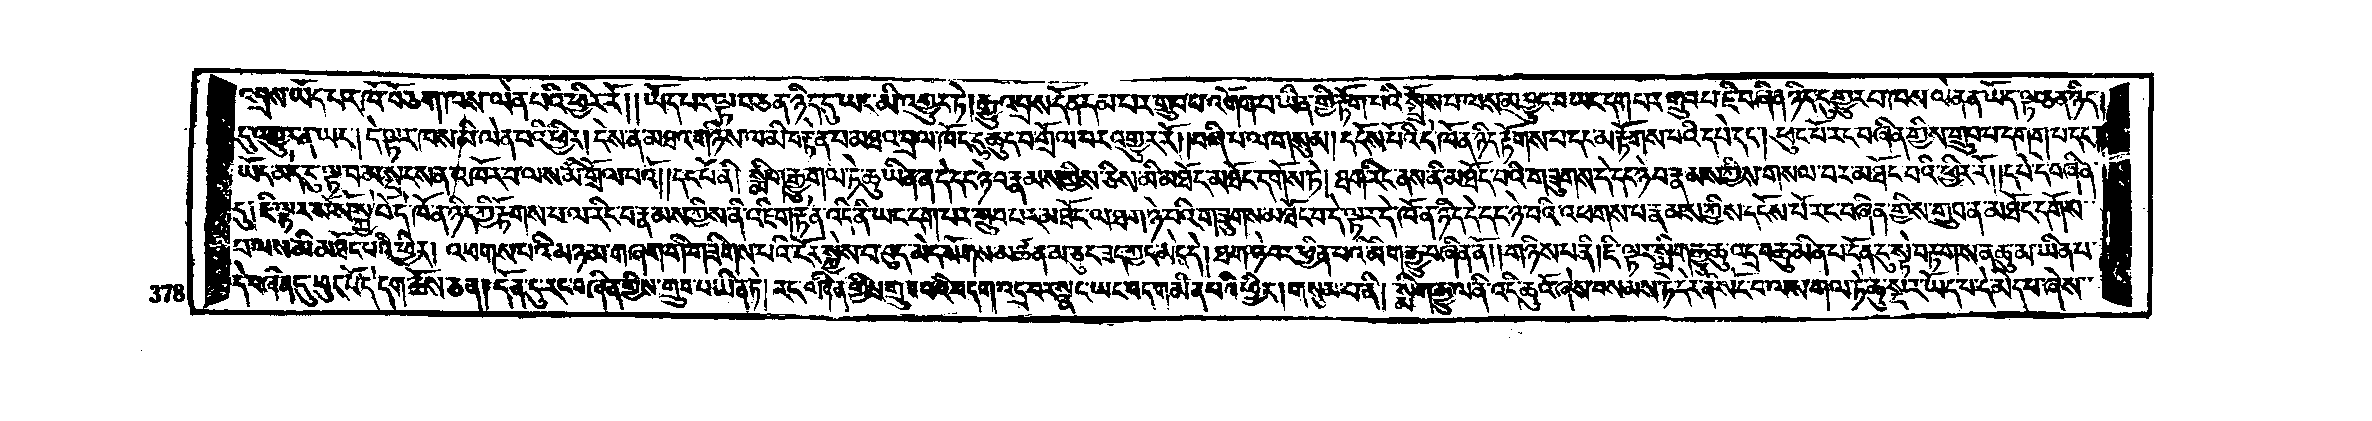འབྲས་ཡོད་པར་ཁོ་བོ་ཅག་ཀས་ལེན་པའི་ཕྱིར་རོ། །ཡོད་པར་ལྟ་བ་ཅན་ཉིད་དུ་ཡང་མི་འགྱུར་ཏེ། རྒྱུ་འབྲས་དོན་དམ་པར་གྲུབ་པ་འགོག་པ་ཡིན་གྱི་རྟོག་པའི་སྤྲོས་པ་ལས་མ་བྱུང་བ་ཡང་དག་པར་གྲུབ་པ་ཇི་བཞིན་ཉིད་དུ་གྱུར་པ་ཁས་ལེན་ན་ཡོད་ལྟ་ཅན་ཉིད་
དུ་འགྱུར་ན་ཡང་། དེ་ལྟར་ཁས་མི་ལེན་པའི་ཕྱིར། ངེས་ན་མཐའ་གཉིས་ལ་མི་བརྟེན་པ་མཐའ་བྲལ་ཁོང་དུ་ཆུད་པ་གྲོལ་བར་འགྱུར་རོ། །བཞི་པ་ལ་གསུམ། །དངོས་པོའི་དེ་ཁོ་ན་ཉིད་རྟོགས་པ་དང་མ་རྟོགས་པའི་དཔེ་དང་། ཕུང་པོ་རང་བཞིན་གྱིས་གྲུབ་པ་དགག་པ་དང་། །
ཡོད་མེད་དུ་ལྟ་བ་མ་སྤངས་ན་འཁོར་བ་ལས་མི་གྲོལ་བའོ། །དང་པོ་ནི། སྨིག་རྒྱུ་གལ་ཏེ་ཆུ་ཡིན་ན་དེ་དང་ཉེ་བ་རྣམས་ཀྱིས་ཅིས་མི་མཐོང་མཐོང་དགོས་ཏེ། ཐག་རིང་ནས་ནི་མཐོང་བའི་གཟུགས་དེ་དང་ཉེ་བ་རྣམས་ཀྱིས་གསལ་བར་མཐོང་བའི་ཕྱིར་རོ། །དཔེ་དེ་བཞིན་
དུ། ཇི་ལྟར་སོ་སོ་སྐྱེ་བོ་དེ་ཁོ་ན་ཉིད་ཀྱི་རྟོགས་པ་ལ་རིང་བ་རྣམས་ཀྱིས་ནི་འཇིག་རྟེན་འདི་ནི་ཡང་དག་པར་གྲུབ་པར་མཐོང་ལ་ཐག་ཉེ་བའི་གཟུགས་མཐོང་བ་དེ་ལྟར་དེ་ཁོ་ན་ཉིད་དེ་དང་ཉེ་བའི་འཕགས་པ་རྣམས་ཀྱིས་དངོས་པོ་རང་བཞིན་གྱིས་གྲུབ་ན་མཐོང་དགོས་
པ་ལས་མི་མཐོང་བའི་ཕྱིར། འཕགས་པའི་མཉམ་གཞག་གི་གཟིགས་པའི་ངོར་སྐྱེས་པ་བུད་མེད་སོགས་མཚན་མ་ཅུང་ཟད་ཀྱང་མེད་དེ། ཐག་ཉེ་བར་ཕྱིན་པའི་མིག་རྒྱུ་བཞིན་ནོ། །གཉིས་པ་ནི། ཇི་ལྟར་སྨིག་རྒྱུ་ཆུ་འདྲ་བ་ཆུ་མིན་པ་དོན་དུ་སྟེ་བརྟགས་ན་ཆུ་ཨམ་ཡིན་པ་
དེ་བཞིན་དུ་ཕུང་པོ་དེ་དག་ཆོས་ཅན། དོན་དུ་རང་བཞིན་གྱིས་གྲུབ་པ་ཡིན་ཏེ། རང་བཞིན་གྱིས་གྲུབ་པའི་བདག་འདྲ་བར་སྣང་ཡང་བདག་མིན་པའི་ཕྱིར། གསུམ་པ་ནི། སྨིག་རྒྱུ་ལ་ནི་འདི་ཆུའོ་ཞེས་བསམས་ཏེ་དེར་ནི་སོང་བ་ལས་གལ་ཏེ་ཆུ་སྔར་ཡོད་པ་དེ་མེད་པ་ཞེས་